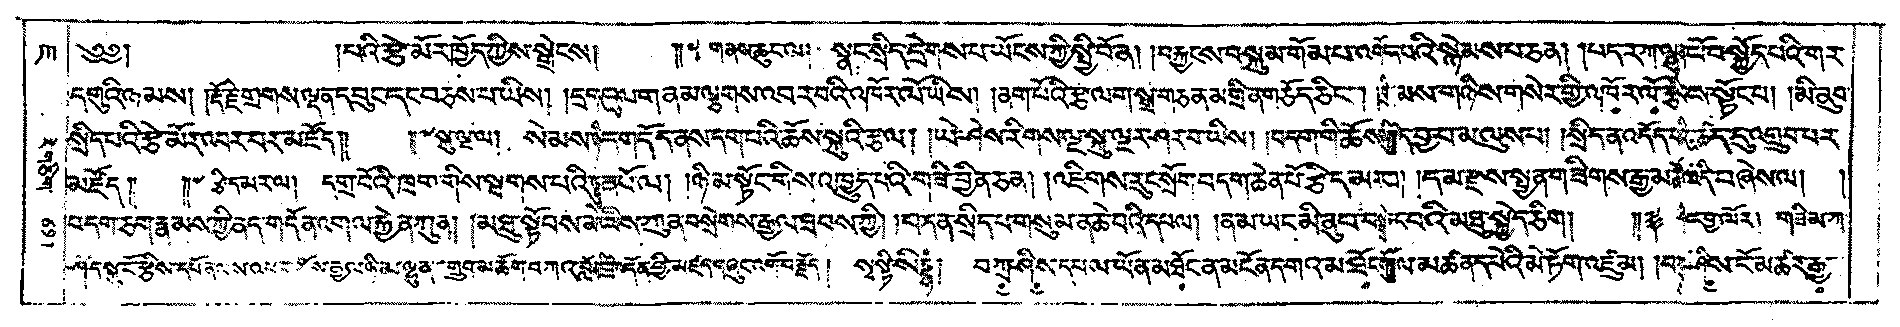༄༅། །པའི་རྩེ་མོར་ཁྱོད་ཀྱིས་སྒྲེངས།། །།༧གནས་ཆུང་ལ།  སྣང་སྲིད་དྲེགས་པ་ཡོངས་ཀྱི་སྤྱི་བོ་ན། །བརྐྱངས་བསྐུམ་གོམ་པ་འགོད་པའི་སྙེམས་པ་ཅན། །པད་རཀ་ལྷུན་པོ་བསྐྱོད་པའི་གར་
དགུའི་ཉམས། །རྡོ་རྗེ་གྲགས་ལྡན་དཔུང་དང་བཅས་པ་ཡིས། །དྲག་ཤུལ་གནམ་ལྕགས་འབར་བའི་འཁོར་ལོ་ཡིས། །ནག་པོའི་རྩ་ལག་སྒྲ་གཅན་མགྲིན་གཅོད་ཅིང་། །ཁྲིམས་གཉིས་གསེར་གྱི་འཁོར྾་ལོ྾་རྩིབས་སྟོང་པ། །མི་ནུབ་
སྲིད་པའི་རྩེ་མོར་འབར་བར་མཛོད།། །།༧སྐུ་ལྔ་ལ།  སེམས་ཉིད་གདོད་ནས་དག་པའི་ཆོས་སྐུའི་རྩལ། །ཡེ་ཤེས་རིགས་ལྔ་སྐུ་ལྔར་ཤར་བ་ཡིས། །བདག་གི་ཆོས་སྲིད་བྱ་བ་མ་ལུས་པ། །སྲིད་ན་འདོད་པའི་ཚད་དུ་འགྲུབ་པར་
མཛོད།། །།༧རྩི་དམར་ལ།  དགྲ་བོའི་ཁྲག་གིས་སྦགས་པའི་ལྷུན་པོ་ལ། །ཉི་མ་སྟོང་གིས་འཁྱུད་པའི་གཟི་བྱིན་ཅན། །འཇིགས་རུང་སྲོག་བདག་ཆེན་པོ་རྩི་དམར་བ། །དམ་རྫས་སྤྱན་གཟིགས་རྒྱ་མཚོ་འདི་བཞེས་ལ། །
བདག་ཅག་རྣམས་ཀྱི་ནད་གདོན་འགལ་རྐྱེན་ཀུན། །མཐུ་སྟོབས་མེ་ཡིས་ཀུན་བསྲེགས་རྒྱལ་ཐབས་ཀྱི། །བ་དན་སྲིད་པ་གསུམ་ན་ཆེ་བའི་དཔལ། །ནམ་ཡང་མི་ནུབ་བསྒྲེང་བའི་མཐུ་སྐྱེད་ཅིག ། །། ༈ ཤིང་བྱ་ལོར། གཟིམ་ཀ་
ཤོད་སྐུ་ངོ་རྩིས་དཔོན་ལས་འཕར་ཆོས་རྒྱལ་ཉི་མ་ལྷུན་གྲུབ་མཆོག་བཀའ་བློན་ཁྲི་འདོན་གྱི་མཛད་གཞུང་འགོ་བརྗོད། སྭ་སྟི་སིདྡྷཾ། བཀྲ྾་ཤིས྾་དཔལ་ཡོན་མཐོང྾་ན་མངོན་དགའ་མཐོང྾་གྲོལ་མཚན་དཔེའི་མེ་ཏོག་འཛུམ། །བཀྲ྾་ཤིས྾་ངོ་མཚར་རྒྱ྾་